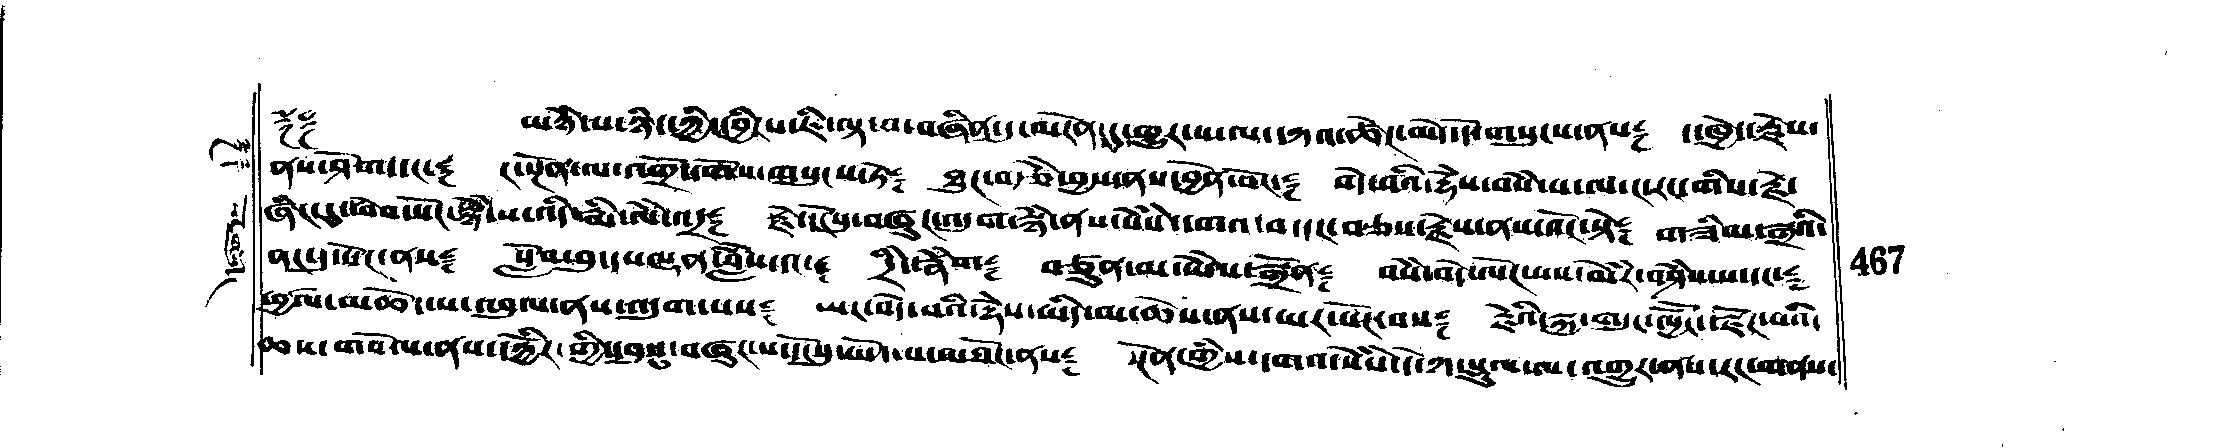མཉམ་པ་ཉིད་ཀྱི་དབྱིངས་ཇི་ལྟ་བ་བཞིན་དུ་མངོན་དུ་གྱུར་པ་ལ་དཀའ་ཚེགས་མེད་དོ་གསུངས་ནས། ད་ཁྱེད་རྗེས་
ནས་ཤོག་དང་། ང་སྔོན་ལ་འགྲོ་དགོས་གསུངས་ཏེ། ཐུགས་བརྩེ་བརྩེ་བྱས་ནས་བྱོན་སོང་། བདེ་བའི་རྡོ་རྗེས་བསམ་པ་ང་རང་གིས་རྗེ་
ཞིང་དུ་ཕེབས་སོང་སྙམ་པ་འདི་རྨི་ལམ་འདྲ། རྗེ་དངོས་སུ་བཞུགས་འདུག་སྙམ་ནས་སེམས་དགའ་བ་དང་བཅས་རྗེས་ནས་འོང་སྟེ། གཟིམ་སྦྲའི་
ནང་དུ་སོང་ནས། སློབ་བུ་དཔལ་ལྡན་བློ་གྲོས་དང་། དྲི་མེད་རྣམ་དག བཙུན་མ་ཡེ་ཤེས་སྒྲོན། བསམ་བདེ་ལ་སོགས་པས་མར་མེ་བཤམས་པ་དང་། 
ཕྱག་འཚལ་མཆོད་པ་འབུལ་ནས་འདུག་པས། ཡང་བདེ་བའི་རྡོ་རྗེས་ཡིད་མ་ཆེས་ནས་ཡར་སོང་བས། རྗེའི་སྐུ་གདུང་ལོངས་སྤྱོད་རྫོགས་པའི་
ཆས་གསོལ་ནས་དཀྱིལ་འཁོར་གྱི་དབུས་སུ་བཞུགས་པ་དངོས་སུ་ཡོད་པ་མཐོང་ནས། སྔོན་གྱིས་དགའ་སེམས་དེ་ཀ་སྡུག་བསྔལ་ལ་འགྱུར་ནས་རང་གནས་